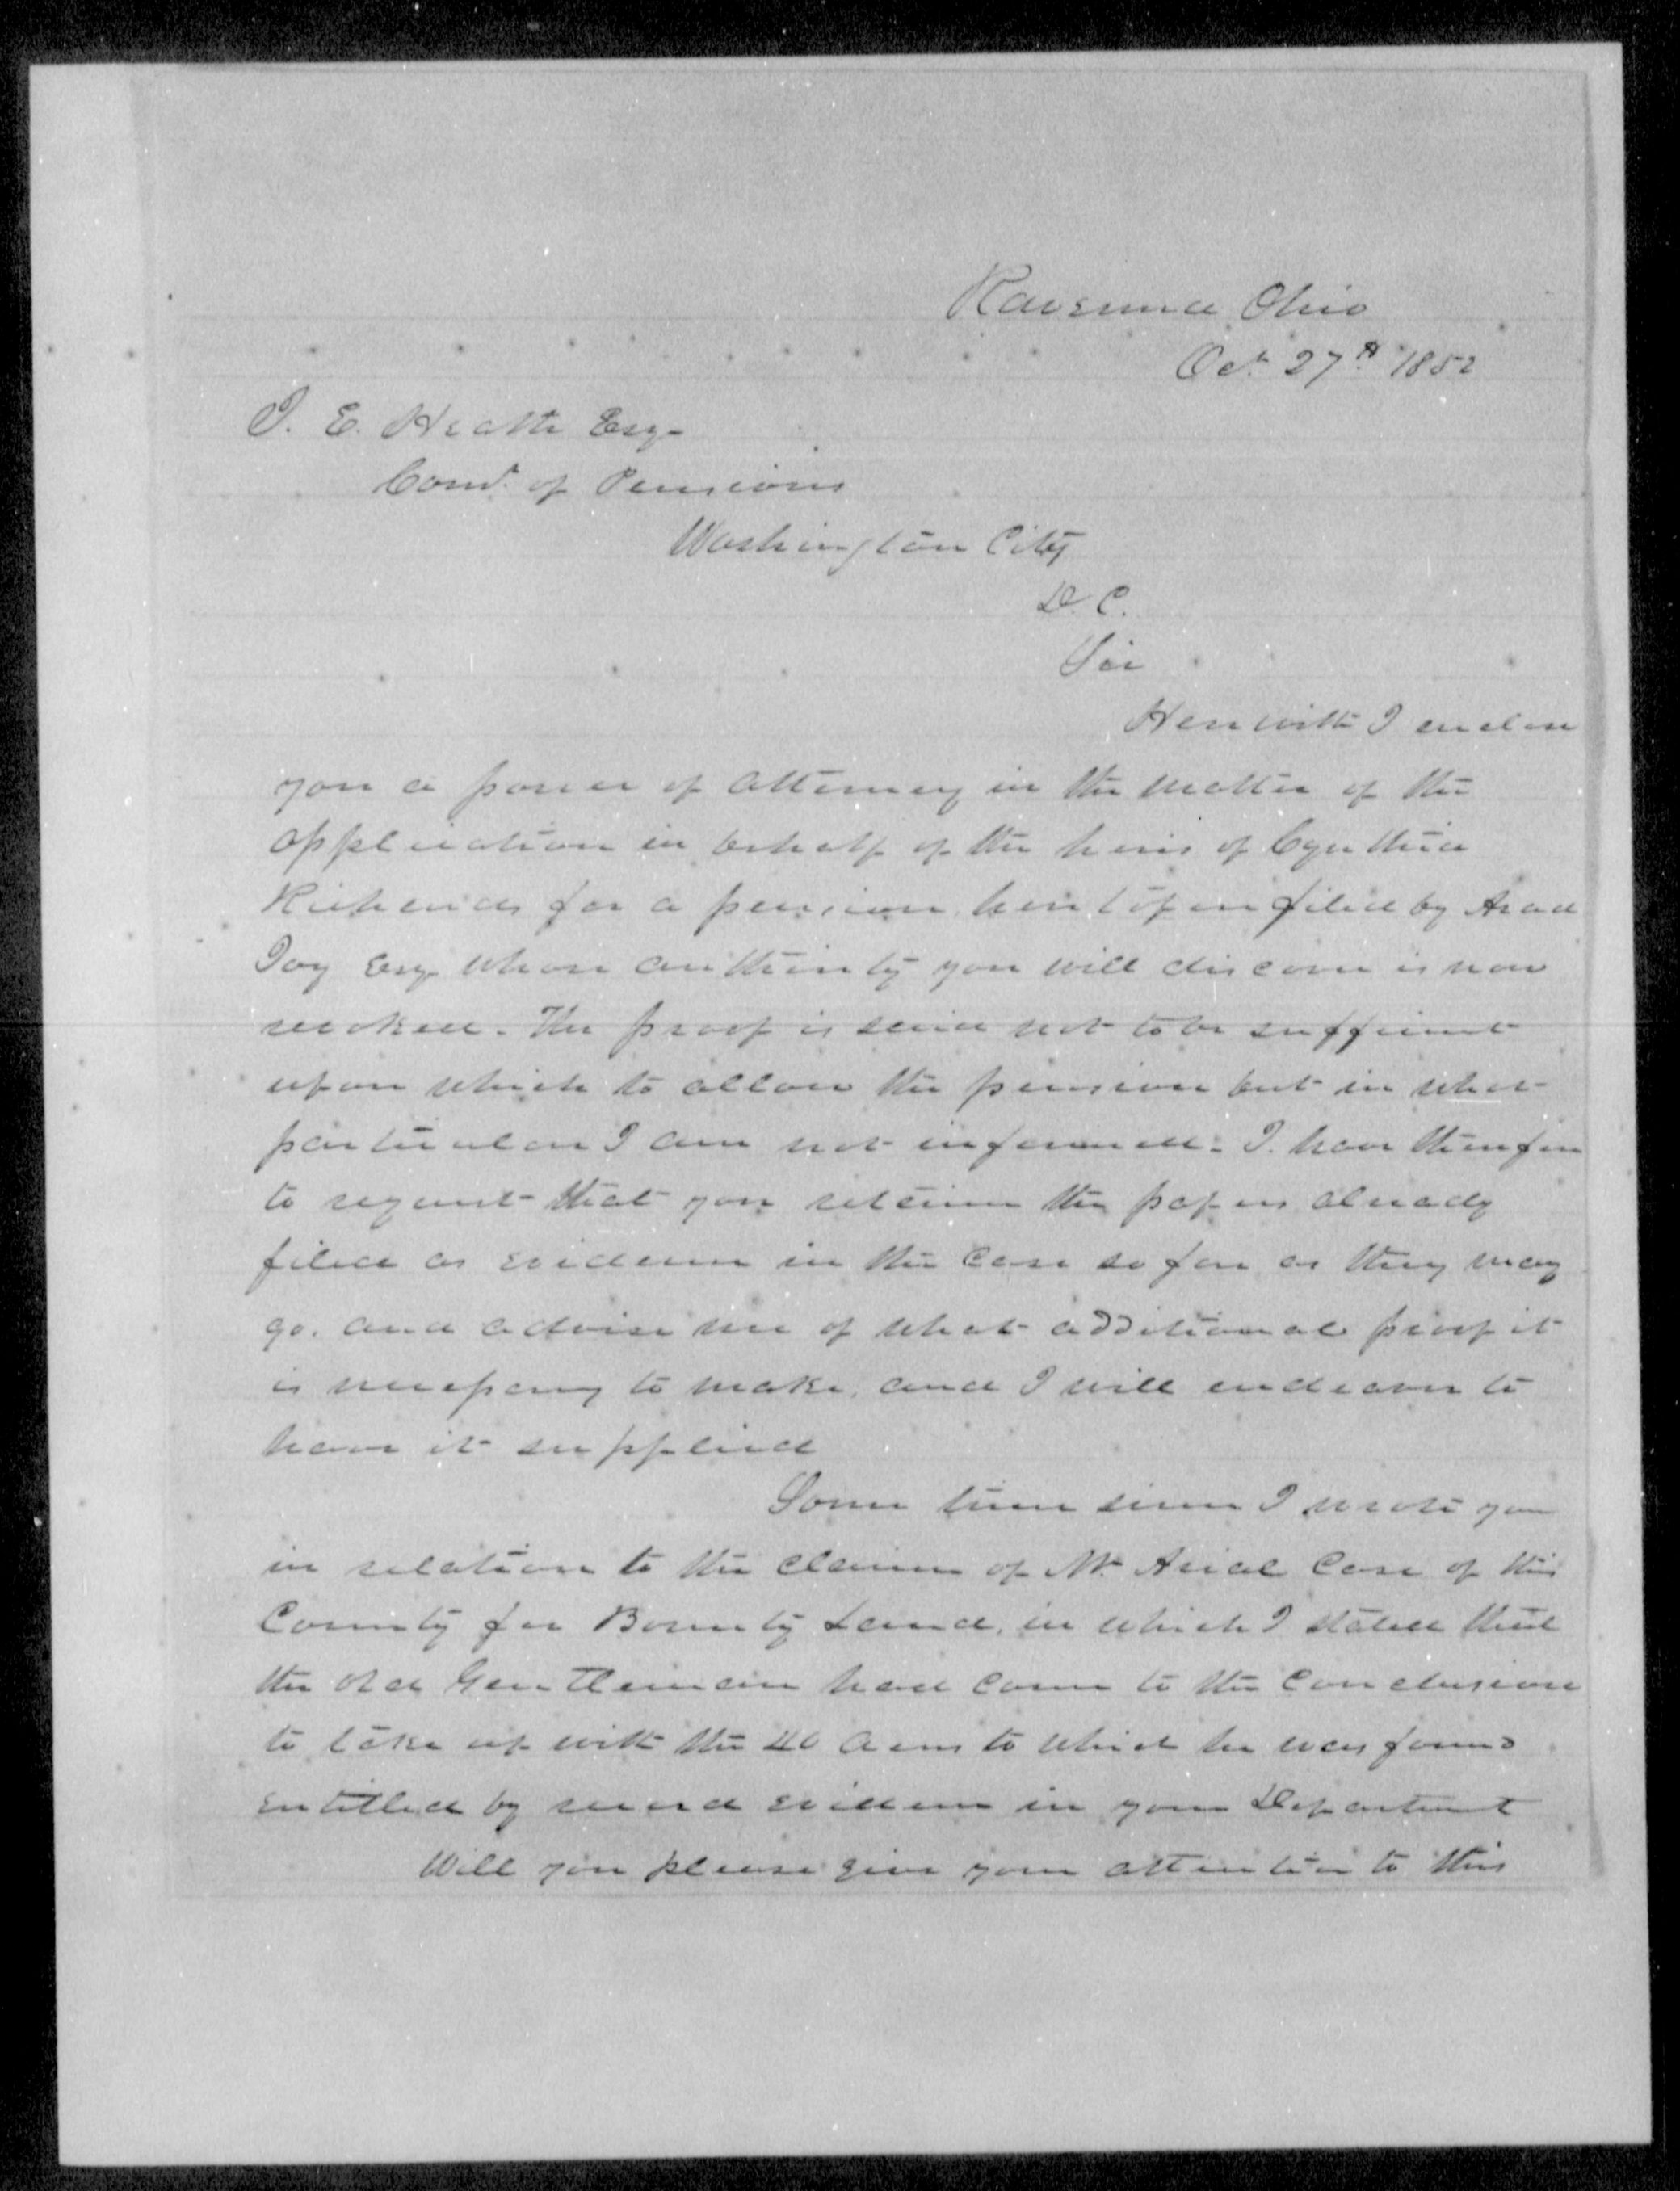Ravenna Ohio
Oct 27th 1852
J. E. Heath Esq [ESQUIRE]
Comr [COMMISSIONER] of Pensions
Washington City
D. C.
Sir
Herewith I enclose you a power of Attorney in the matter of the application in behalf of the heirs of Cynthia Richards for a pension be in [illegible] filed by Arad Joy Esq whose authority you will discover is now revoked. The proof is said not to be sufficient upon which to allow the pension but in where particular I am not informed. I have therefore to request that you retain the papers already filed as evidence in the case so far as they may go, and advise of what additional proof it is necessary to make, and I will endeavor to have it supplied
Some time since I wrote you in relation to the claim of Mr. Arial Cass of this County for Bounty Land, in which I stated that the old Gentleman had come to the conclusion
to take up with the 40 acres to which he was found entitled by record evidence in your Department Will you please give your attention to this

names: J E Heath; Arial Cass; Cynthia Richards; Arad Joy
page: 63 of 109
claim: widow's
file: W. 5709, for Thomas Richards, New Hampshire